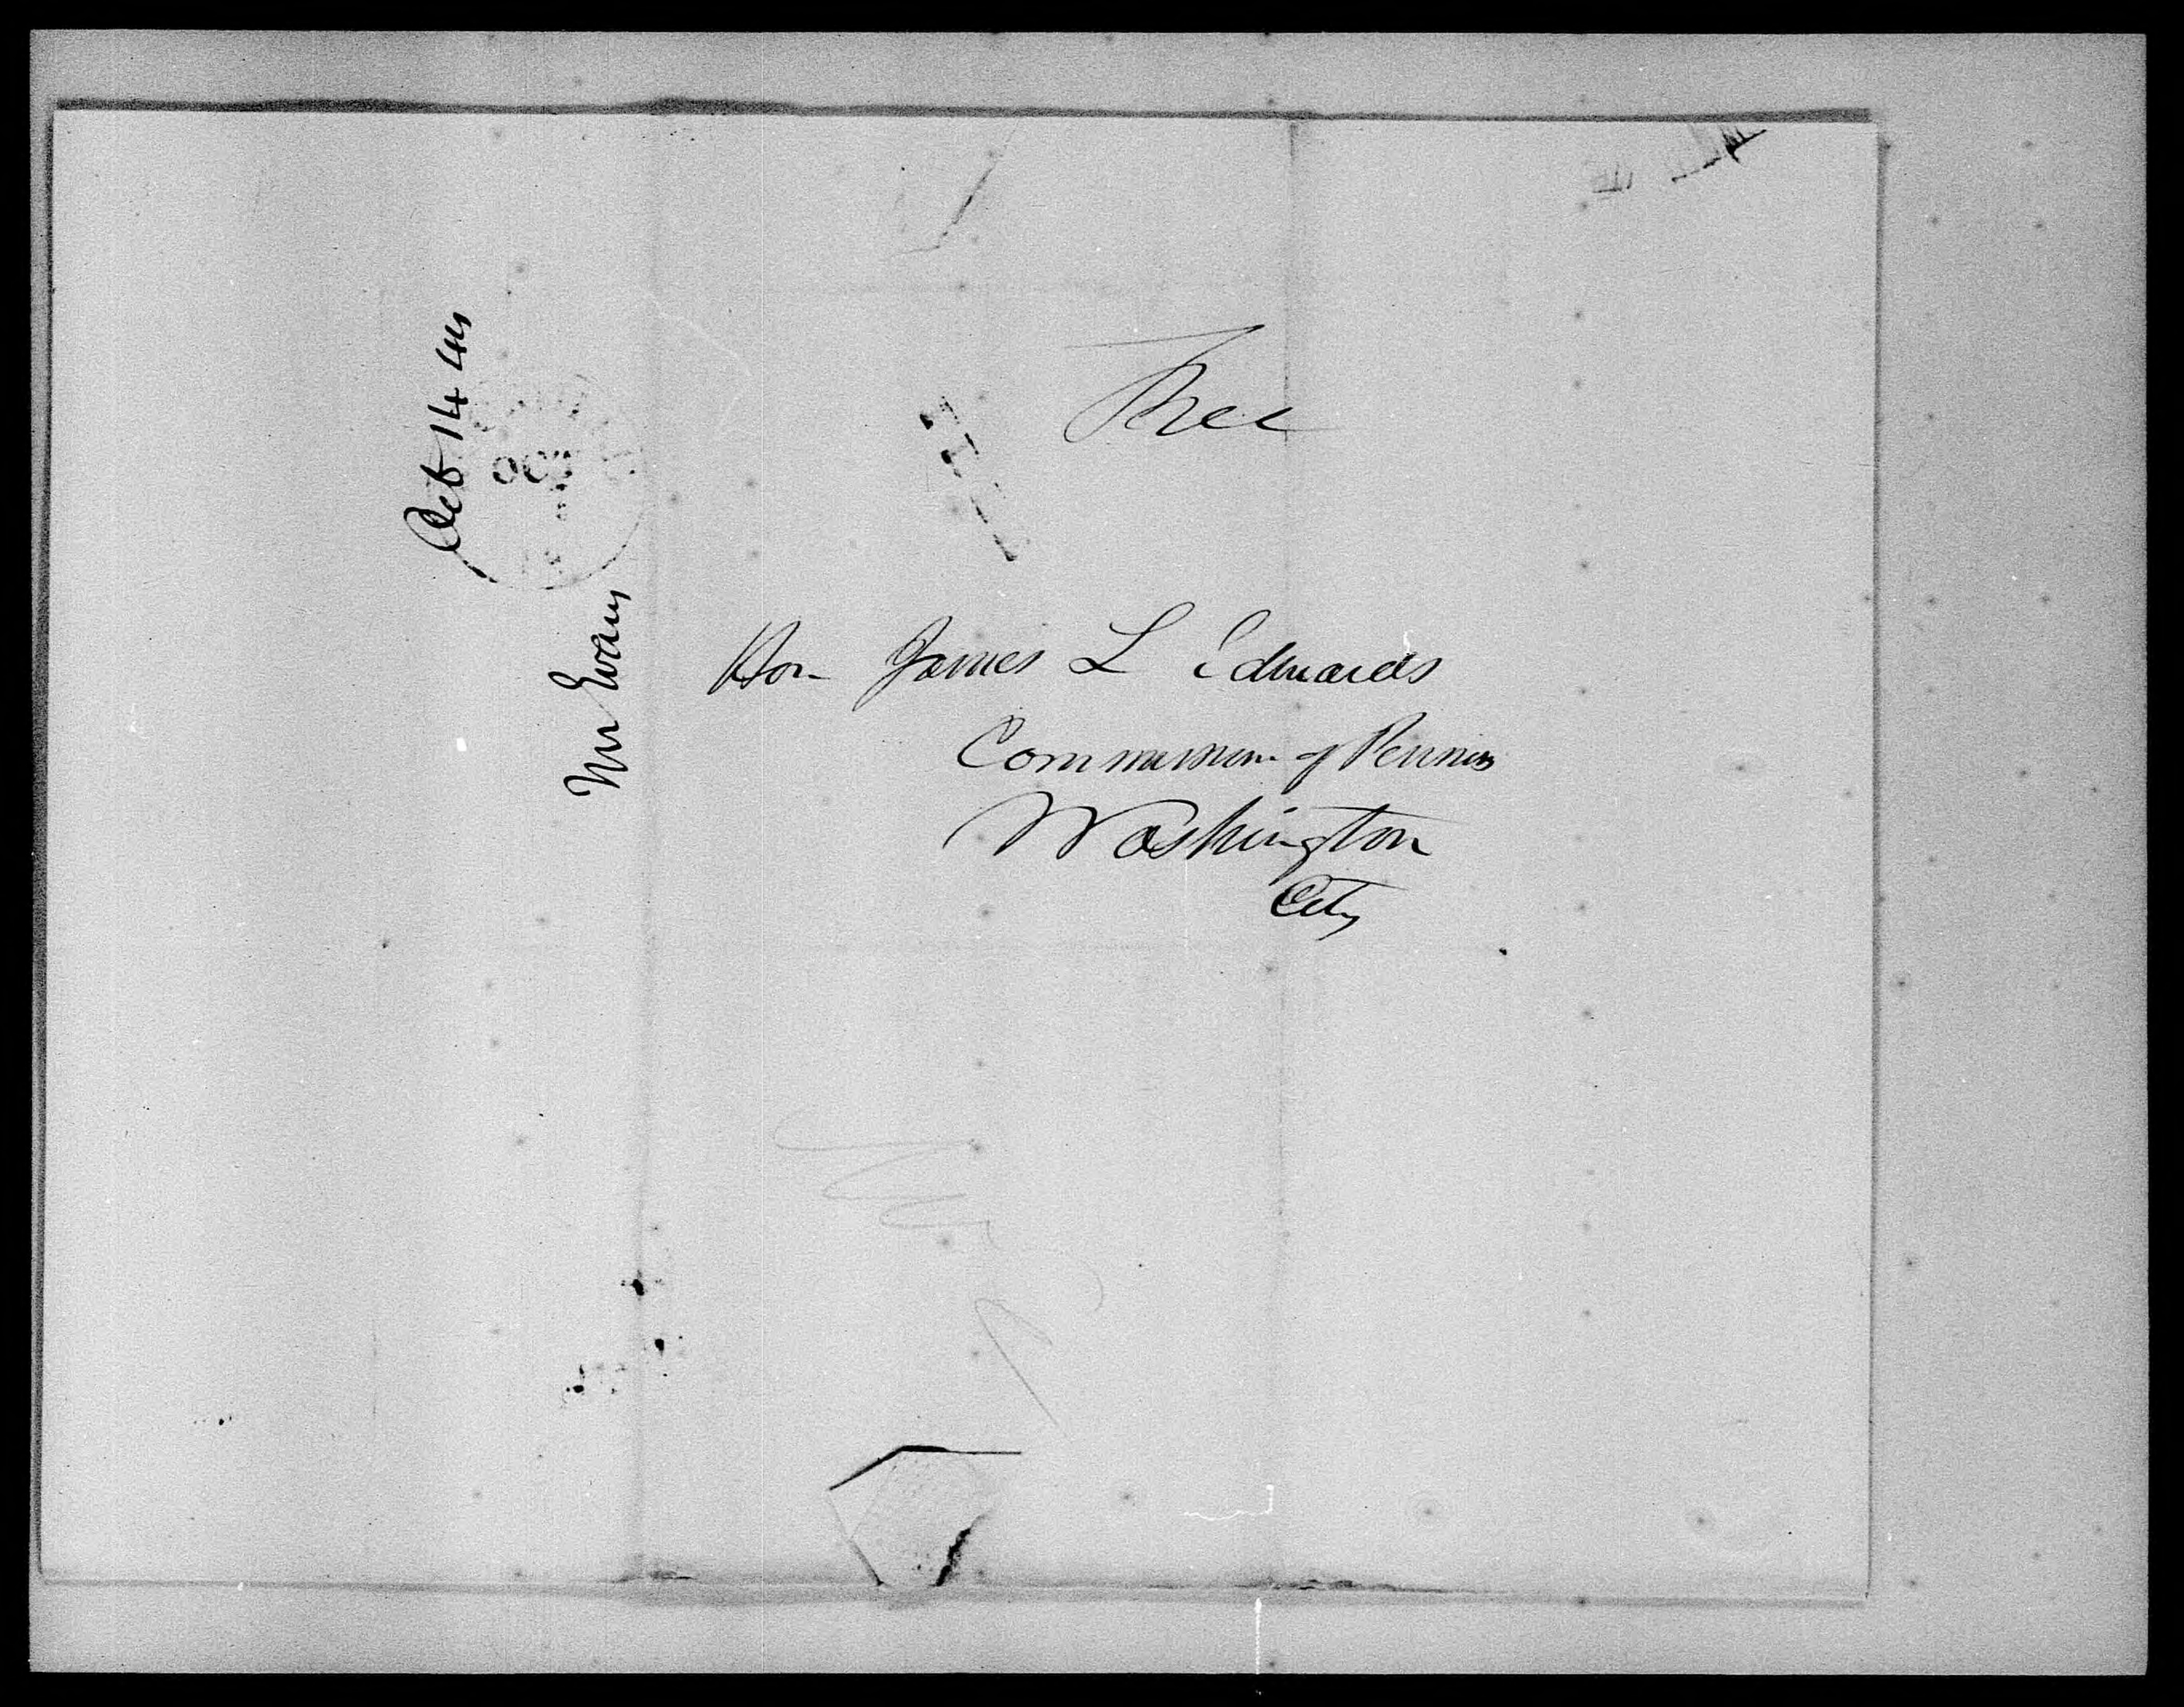STAMP - Illegible OCT

Free

Hon James L Edwards
Commissioner of Pensions
Washington City

Mr. Evans

Oct 14, '44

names: James L Edwards; [BLANK] Evans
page: 4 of 18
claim: survivor's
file: S. 16,496, for William Oard, Maryland